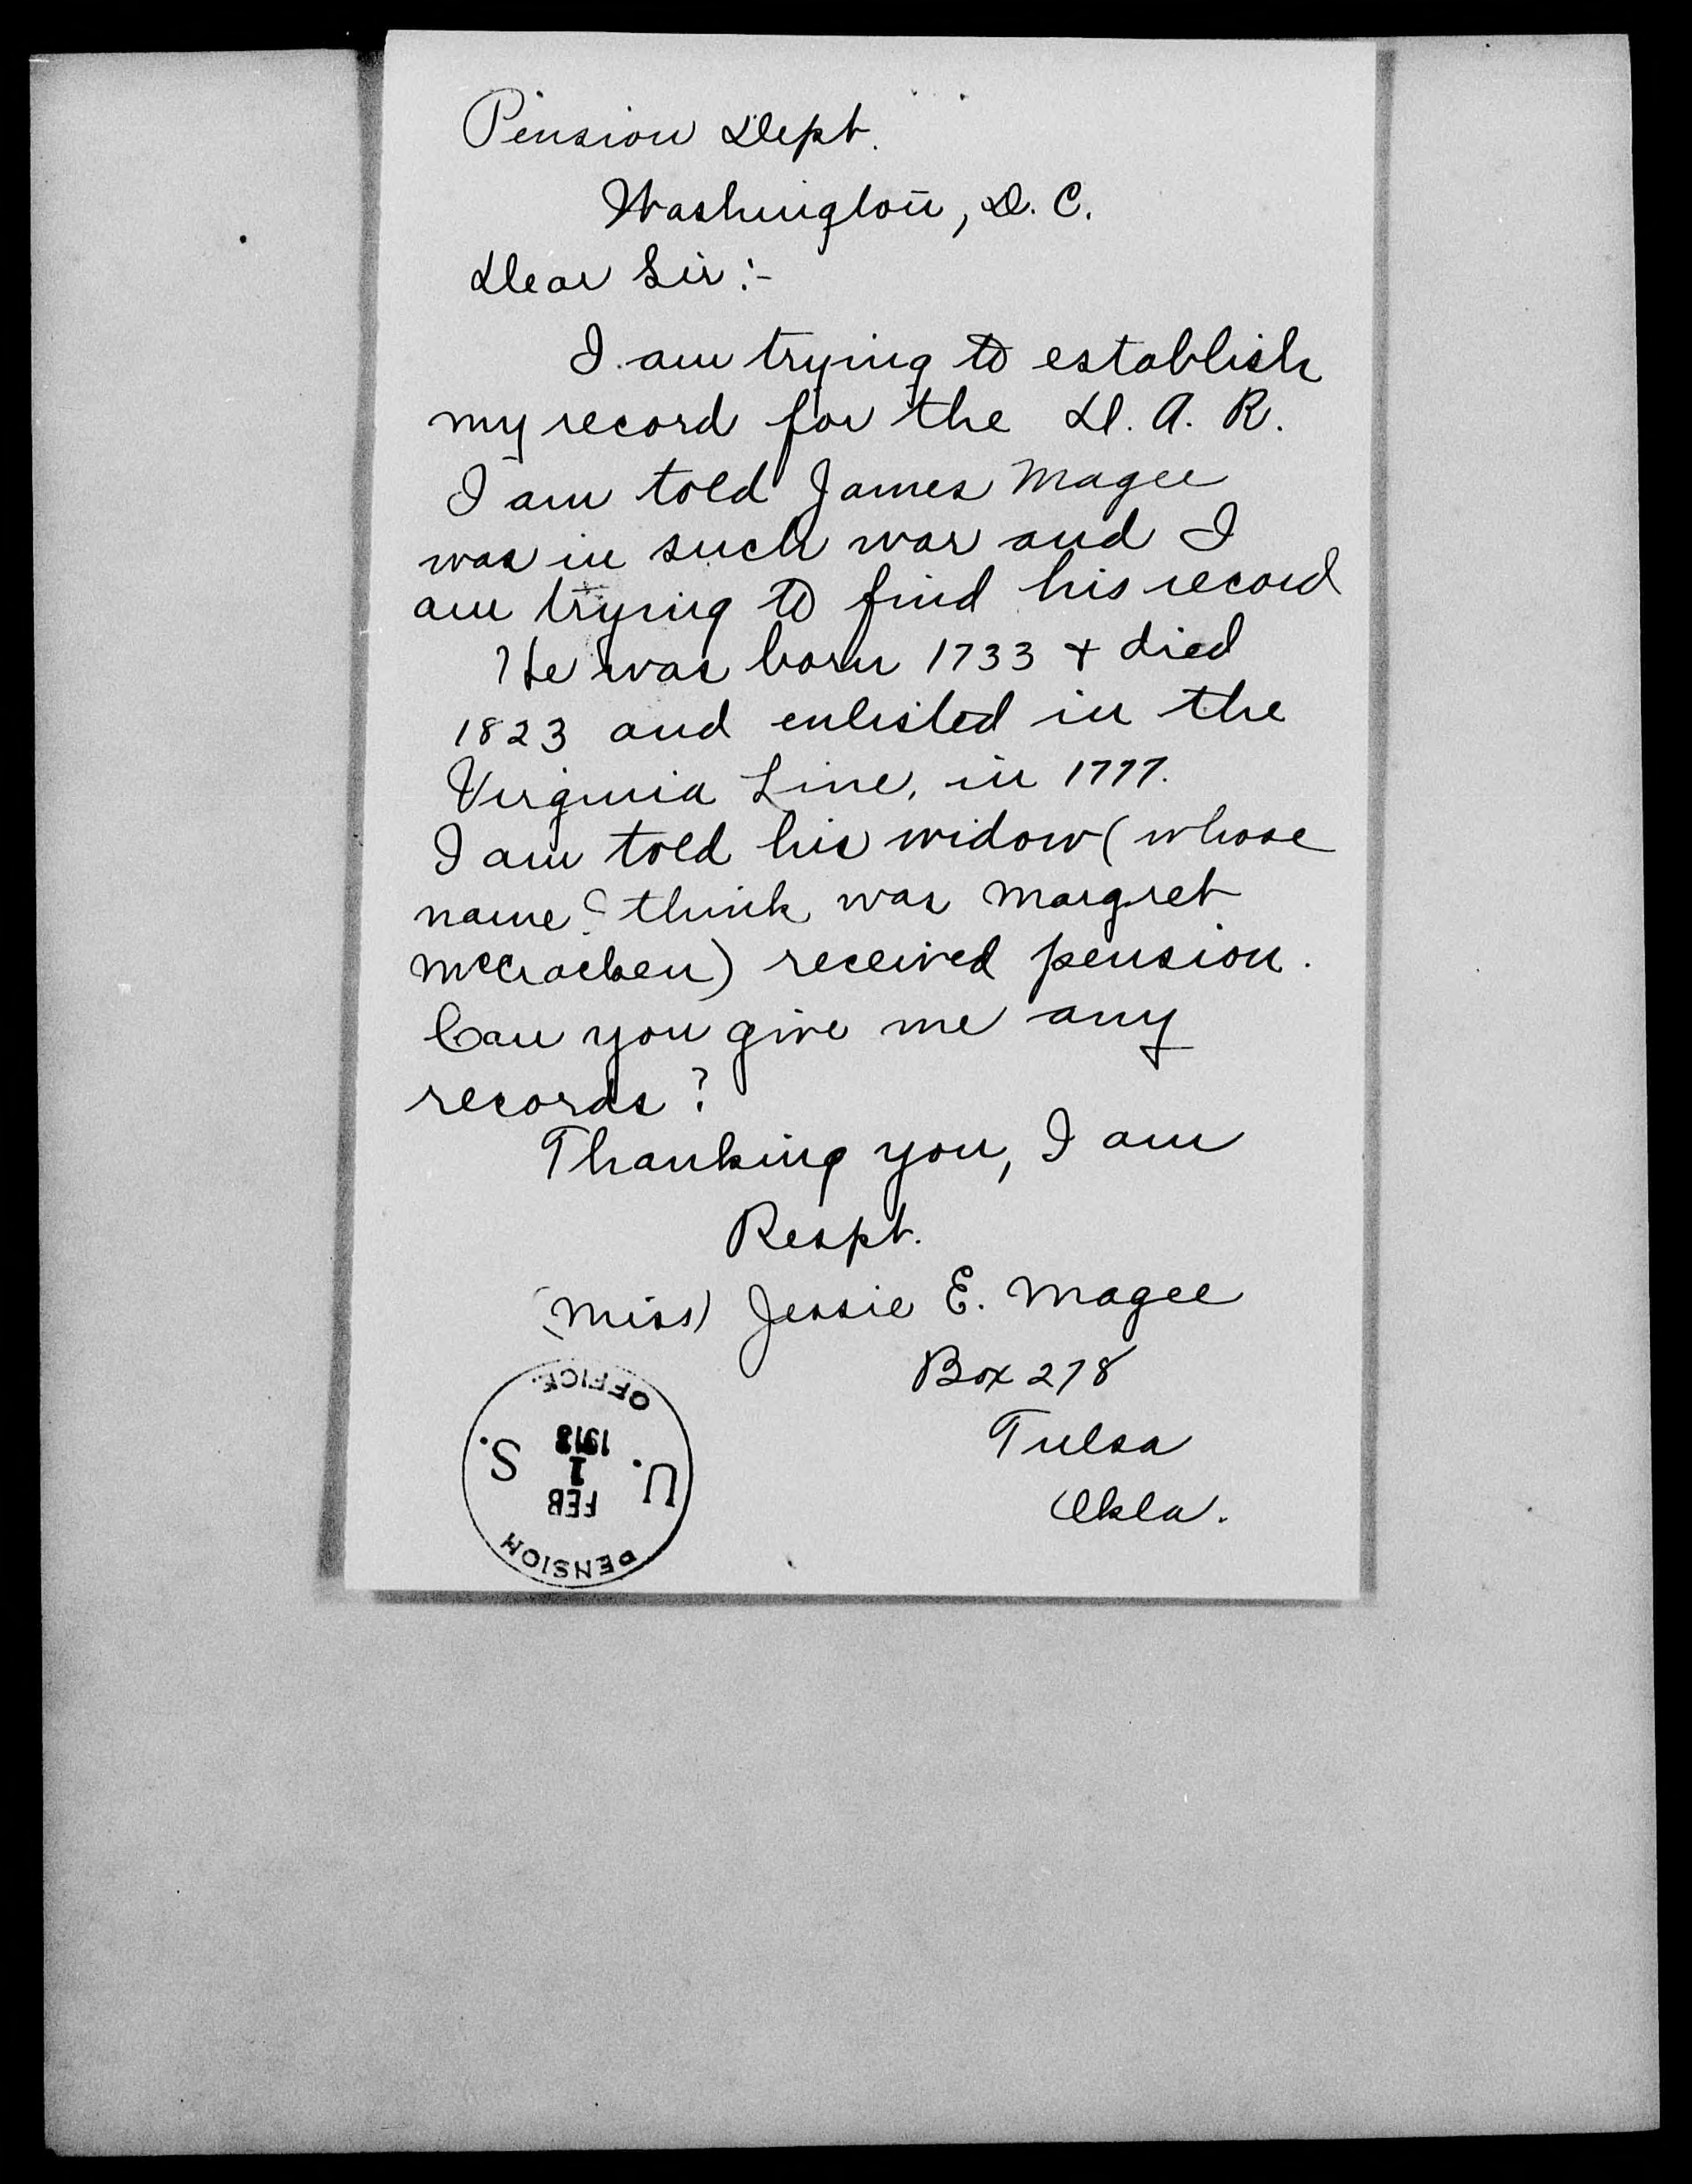Pension Dept.
Washington, D.C.
Dear Sir:
I am trying to establish
my record for the D.A.R.
I am told
James Magee
was in such war and
I am trying to find his record
he was born 1733 & died
1823 and enlisted in the
Virginia Line, in 1777.
I am told his widow (whose
name I think was Margret
McCracken) received pension.
Can you give me any
records
Thanking you, I am
Respt
(Miss) Jessie E. Magee
Box 278
Tulsa
Okla.

STAMP: US Pension Office
Feb 2
1918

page: 67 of 77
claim: widow's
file: W 2954, for James Mc Gee, Delaware